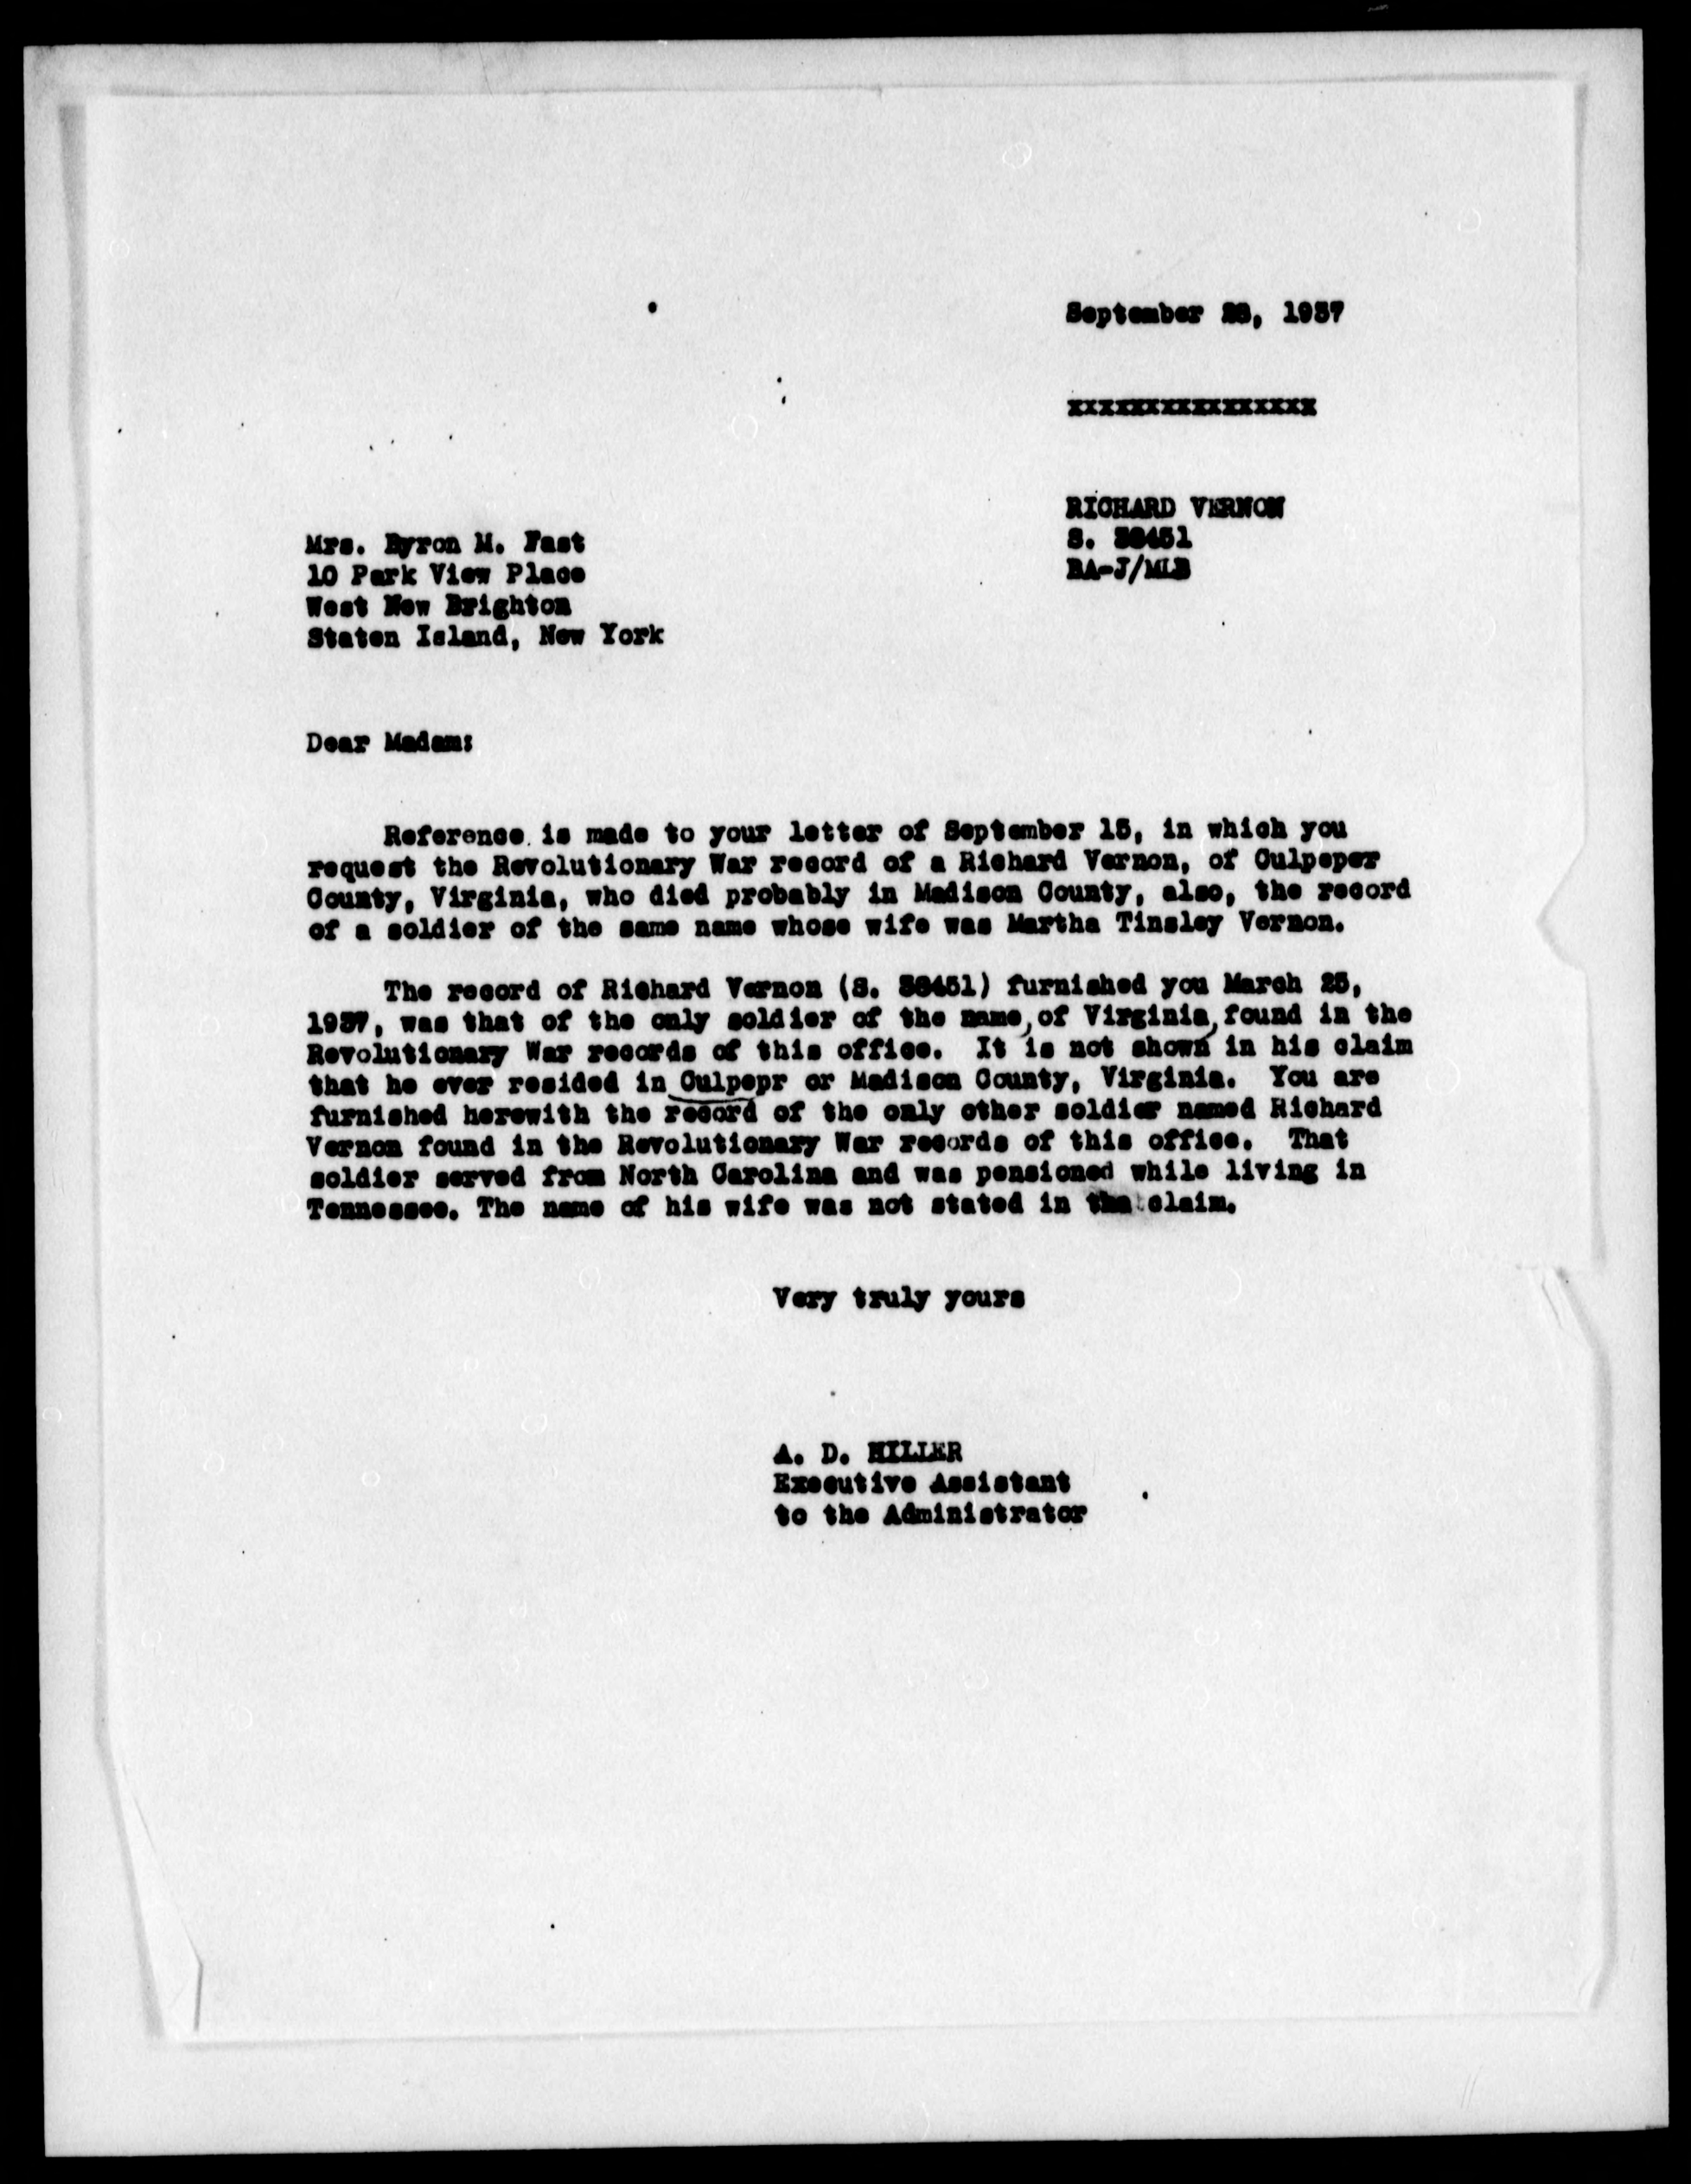September 26, 1937
xxxxxxxxxxxxxxxxxxxx
RICHARD VERNON
S. 39451
BA-J/MLB

Mrs. Byron M. Fast
10 Park View Place
West New Brighton
Staten Island, New York
Dear Madam:
Reference is made to your letter of September 15, in which you request the Revolutionary War record of a Richard Vernon, of Culpeper County, Virginia, who died probably in Madison County, also, the record of a soldier of the same name whose wife was Martha Tinsley Vernon.
The record of Richard Vernon (S.39451) furnished you March 25, 1937, was that of the only soldier of the name, of Virginia, found in the Revolutionary War records of this office. It is not shown in his claim that he ever resided in Culpepr or Madison County, Virginia. You are furnished herewith the record of the only other soldier named Richard Vernon found in the Revolutionary War records of this office.  That soldier served from North Carolina and was pensioned while living in Tennessee. The name of his wife was not stated in the claim.
Very truly yours
A. D. HILLER
Executive Assistant
to the Administrator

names: Richard Vernon, A D Hiller, Byron M Fast, Richard Vernon, Martha Tinsley Vernon, Richard Vernon, Richard Vernon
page: 89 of 105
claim: survivor's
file: S. 1883, Richard Vernon, N.C.